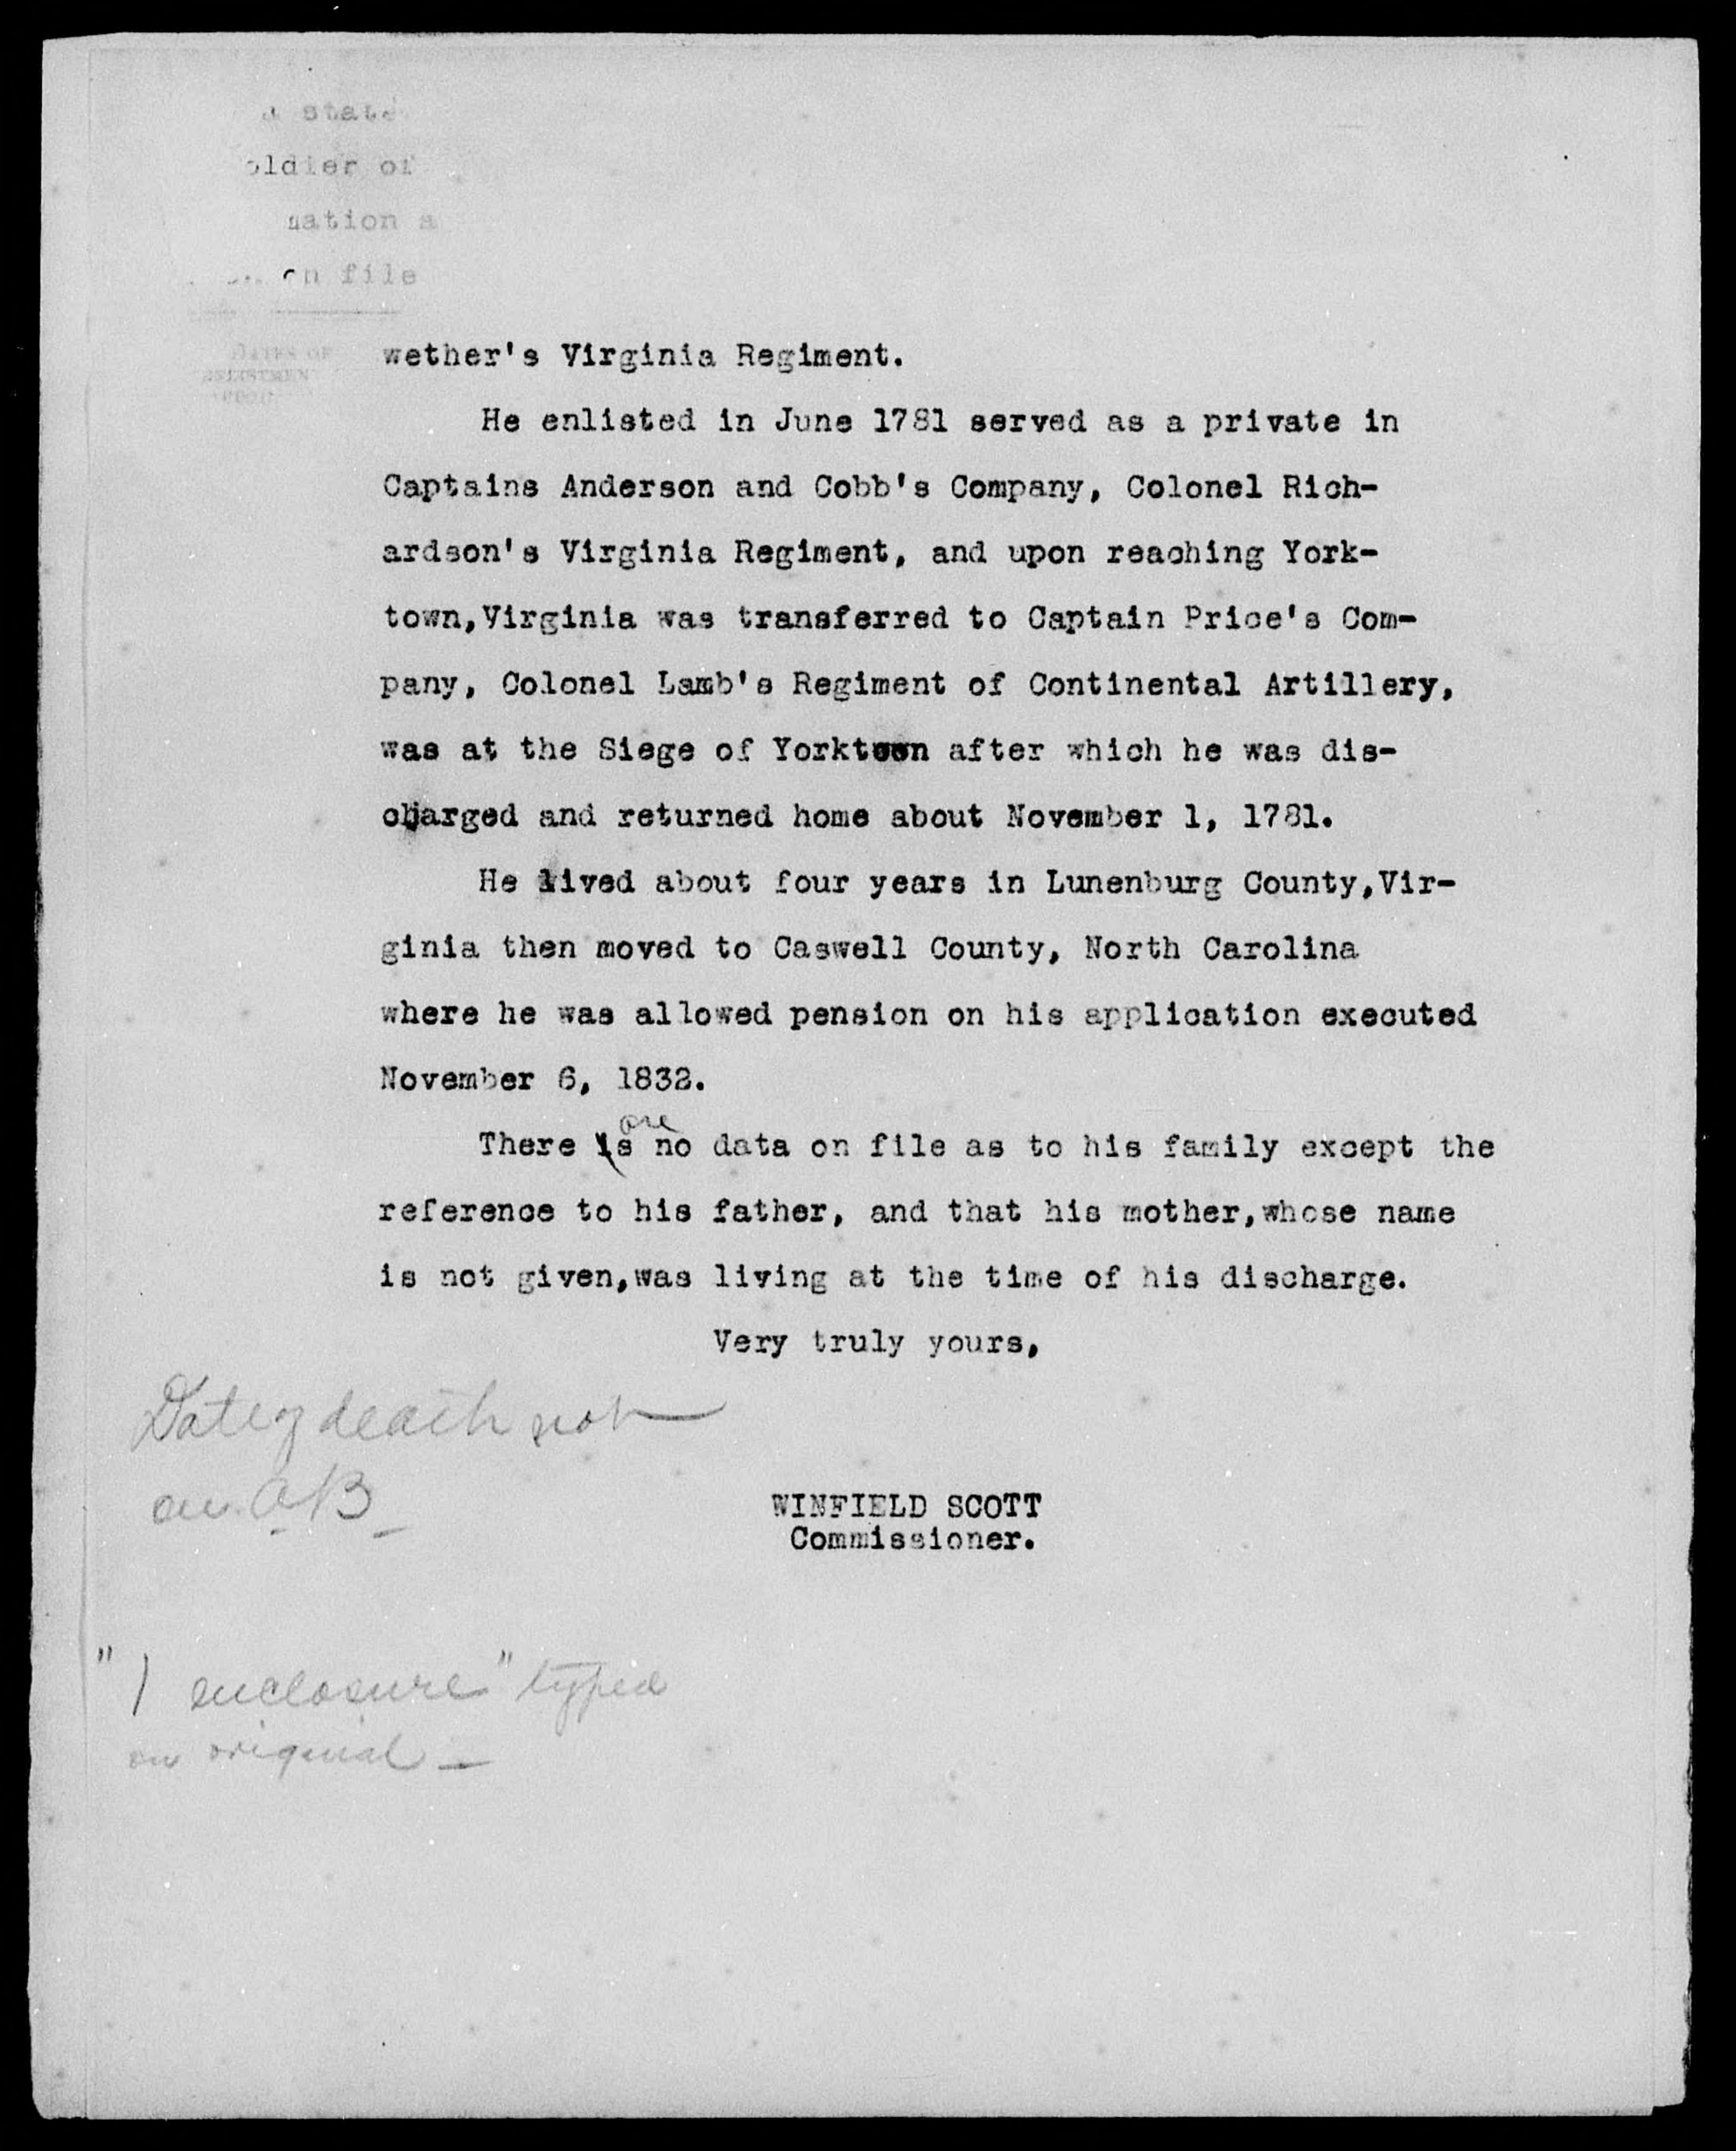Meriwether's Virginia Regiment.
He enlisted in June 1781 served as a private in Captains Anderson and Cobb's Company, Colonel Richardson's Virginia Regiment, and upon reaching Yorktown, Virginia was transferred to Captain Price's Company, Colonel Lamb's Regiment of Continental Artillery, was at the Siege of Yorktown after which he was discharged and returned home about November 1, 1781.
He lived about four years in Lunenburg County, Virginia then moved to Caswell County, North Carolina where he was allowed pension on his application executed November 6, 1832.
There [crossed out: is] are no data on file as to his family except the reference to his father, and that his mother, whose name is not given, was living at the time of his discharge.
Very truly yours,
WINFIELD SCOTT
Commissioner.
[Margin note:] Date of death not on A.B.
[Margin note:] "1 enclosure" typed on original.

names: Winfield Scott, Anderson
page: 33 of 58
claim: survivor's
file: S. 6,941, Starling Gunn, Continental Va.